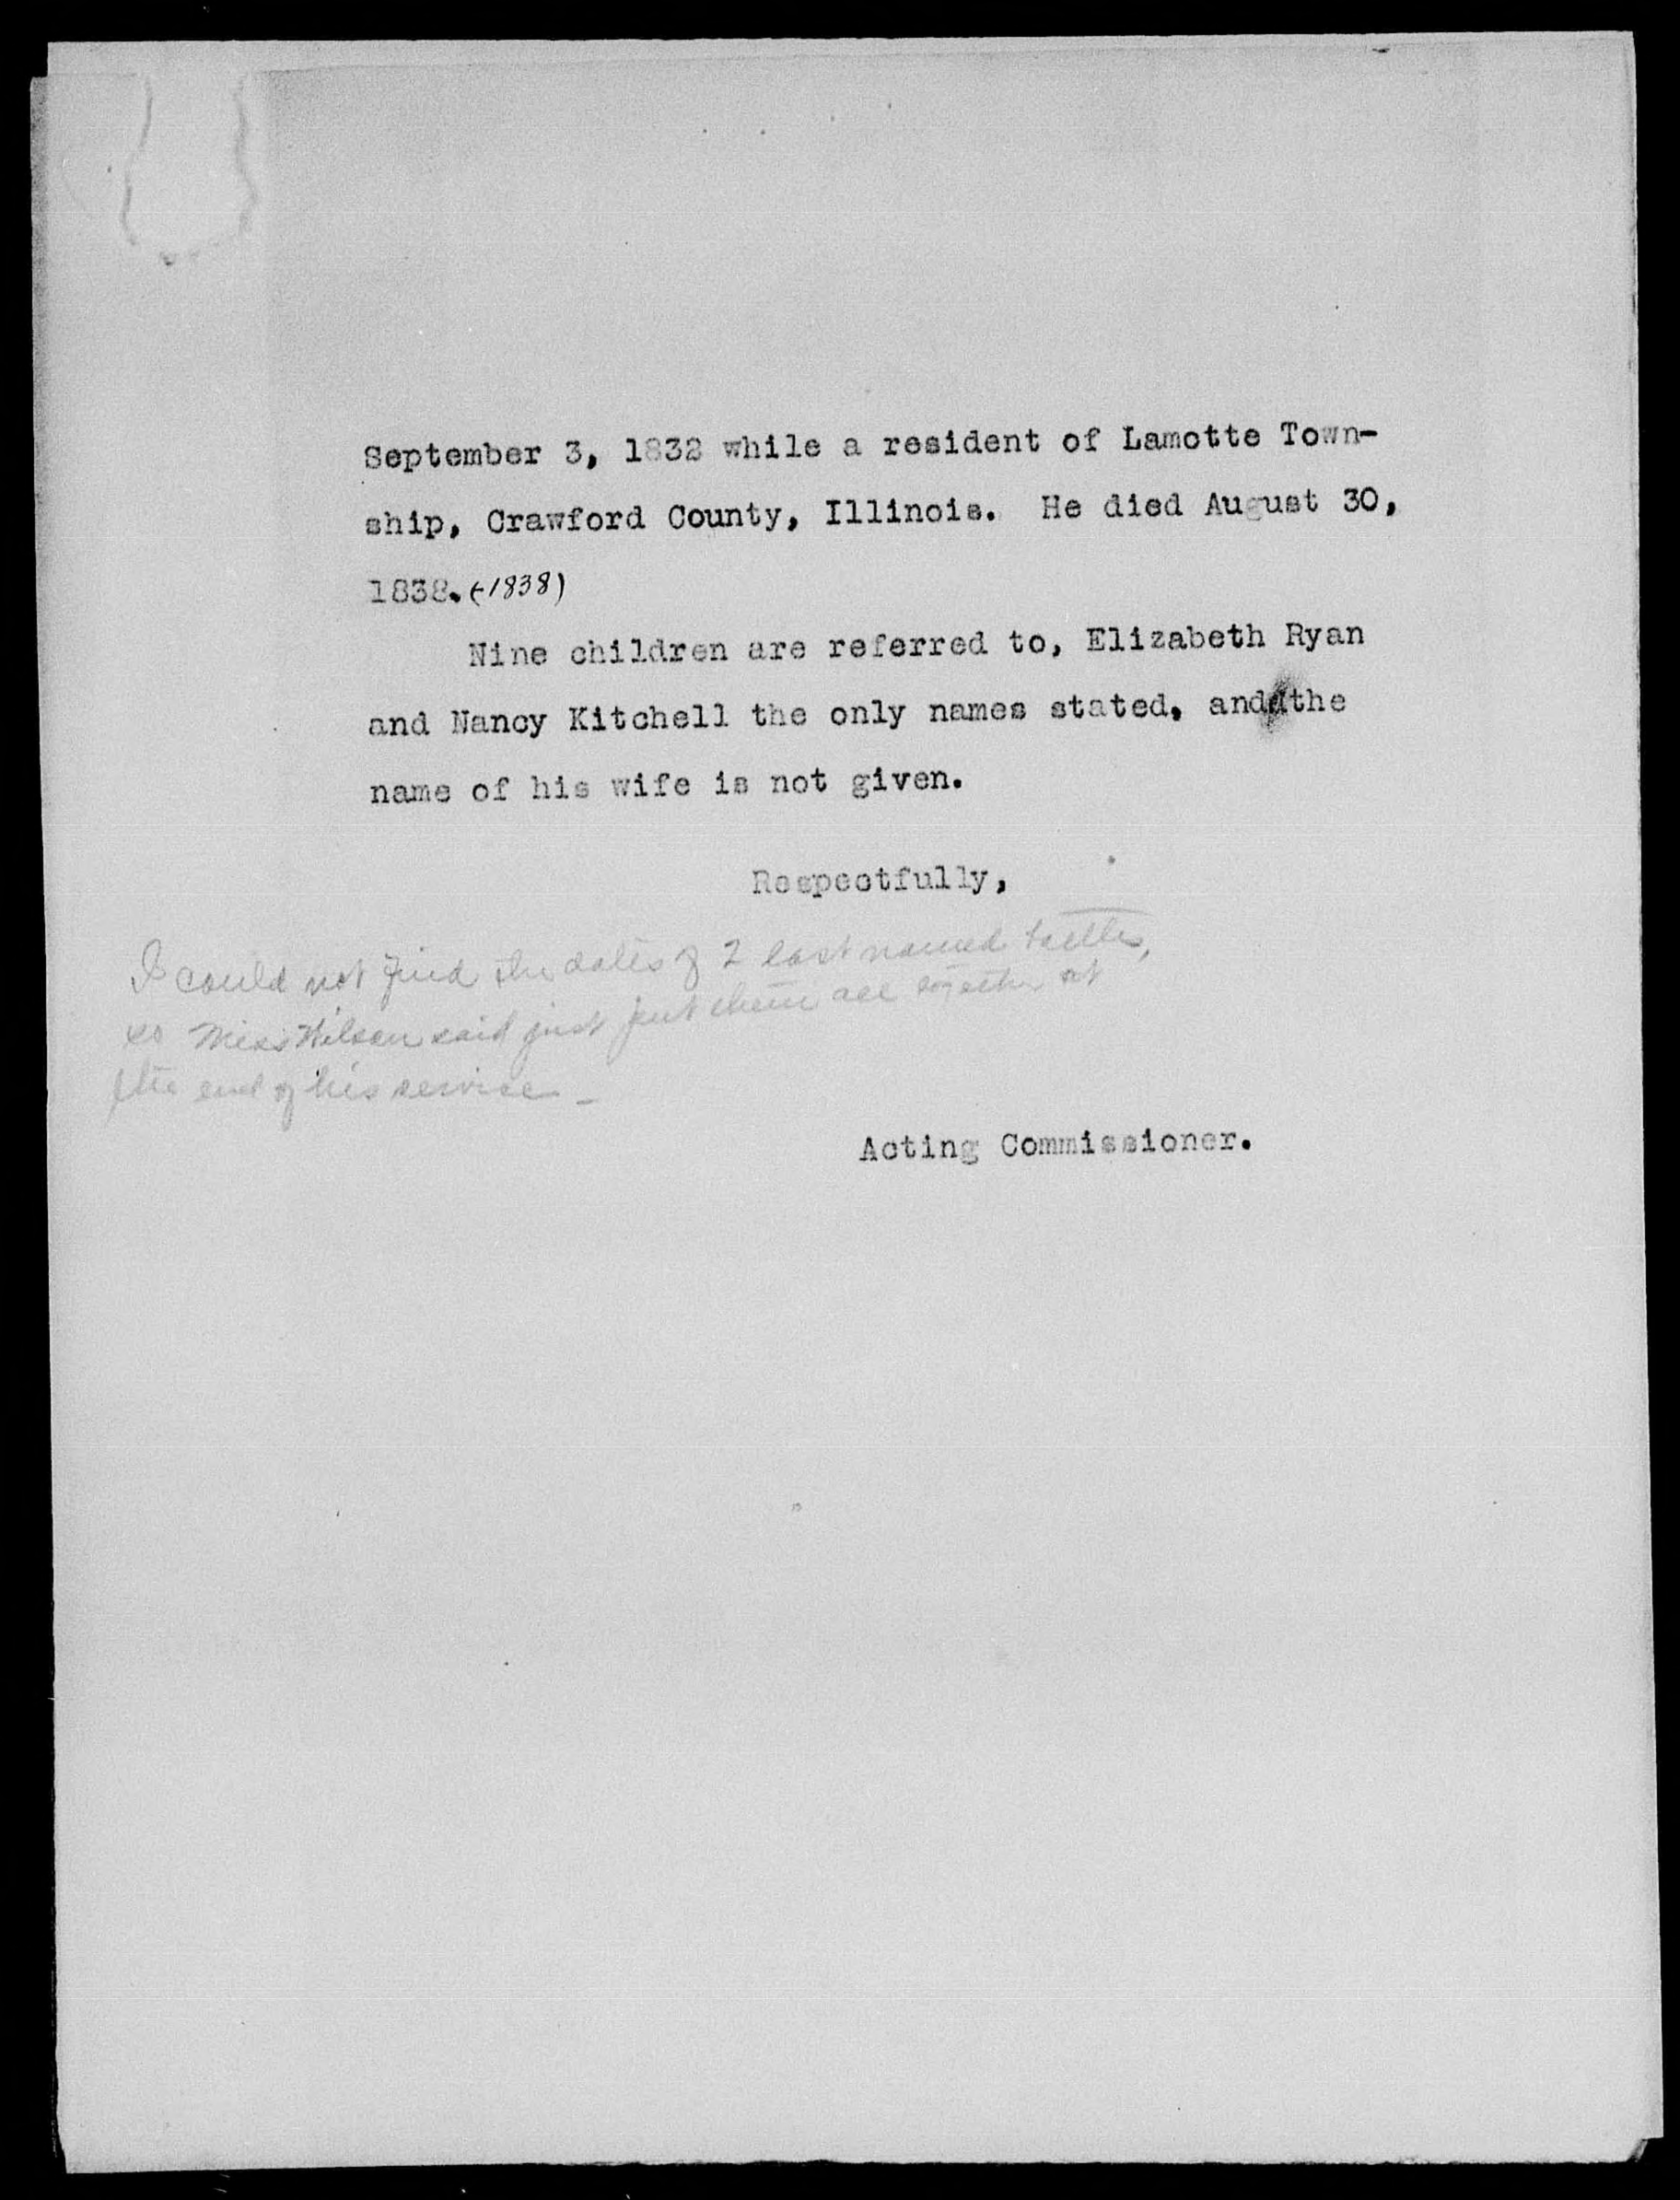September 3, 1832 while a resident of Lamotte Township, Crawford County, Illinois. He died August 30, 1838,
   Nine children are referred to, Elizabeth Ryan and Nancy Kitchell the only names stated, and the name of his wife is not given.

Respectfully,

I could not find the dates of 2 last named battles so Miss Wilson said just put them all together the end of his service.

Acting Commissioner.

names: Wilson, Nancy Kitchell, Elizabeth Ryan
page: 18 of 44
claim: survivor's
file: S. 31,061, Thomas Gill, S.C.